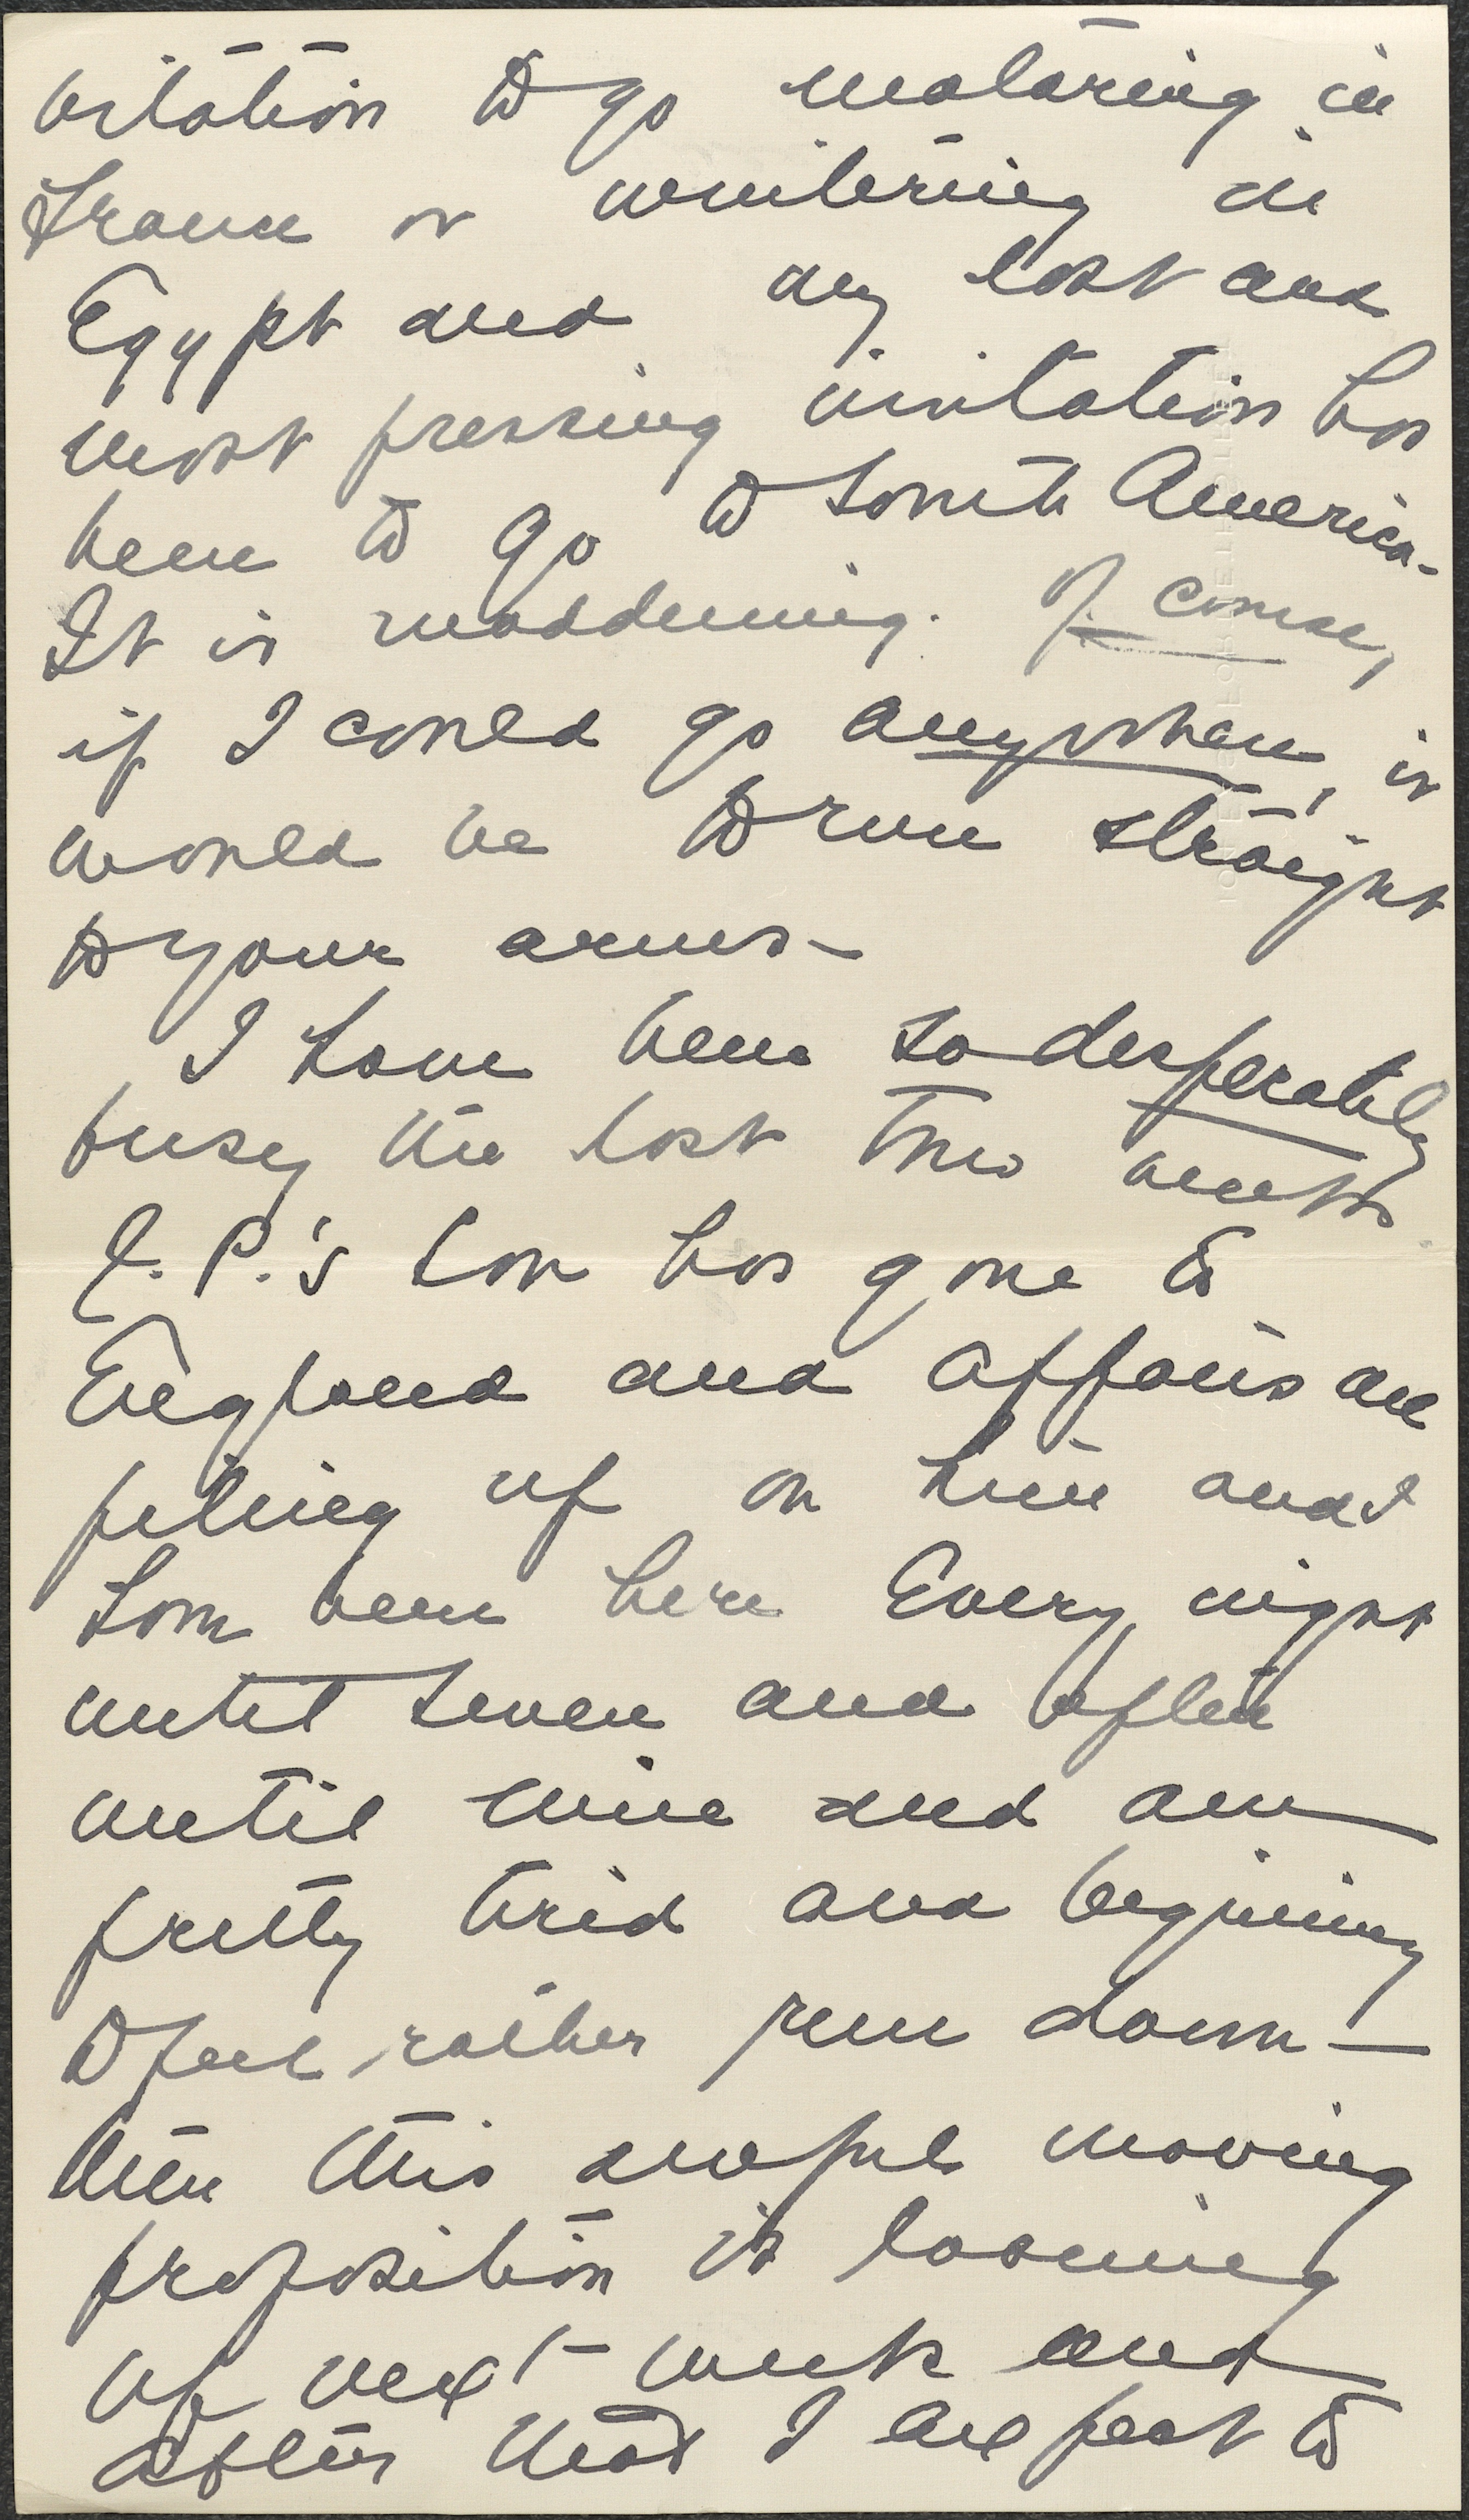invitation to go motoring in France or wintering in Egypt and my last and most pressing invitation has been to go to South America – It is maddening of course, if I could go anywhere, it would be to run straight to your arms –
I have been so desperately busy the last two weeks. J. P.’s son has gone to England and affairs are piling up on him and I have been here every night until seven and often until nine and am pretty tired and beginning to feel rather run down – then this awful moving proposition is looming up next week and after that I expect to